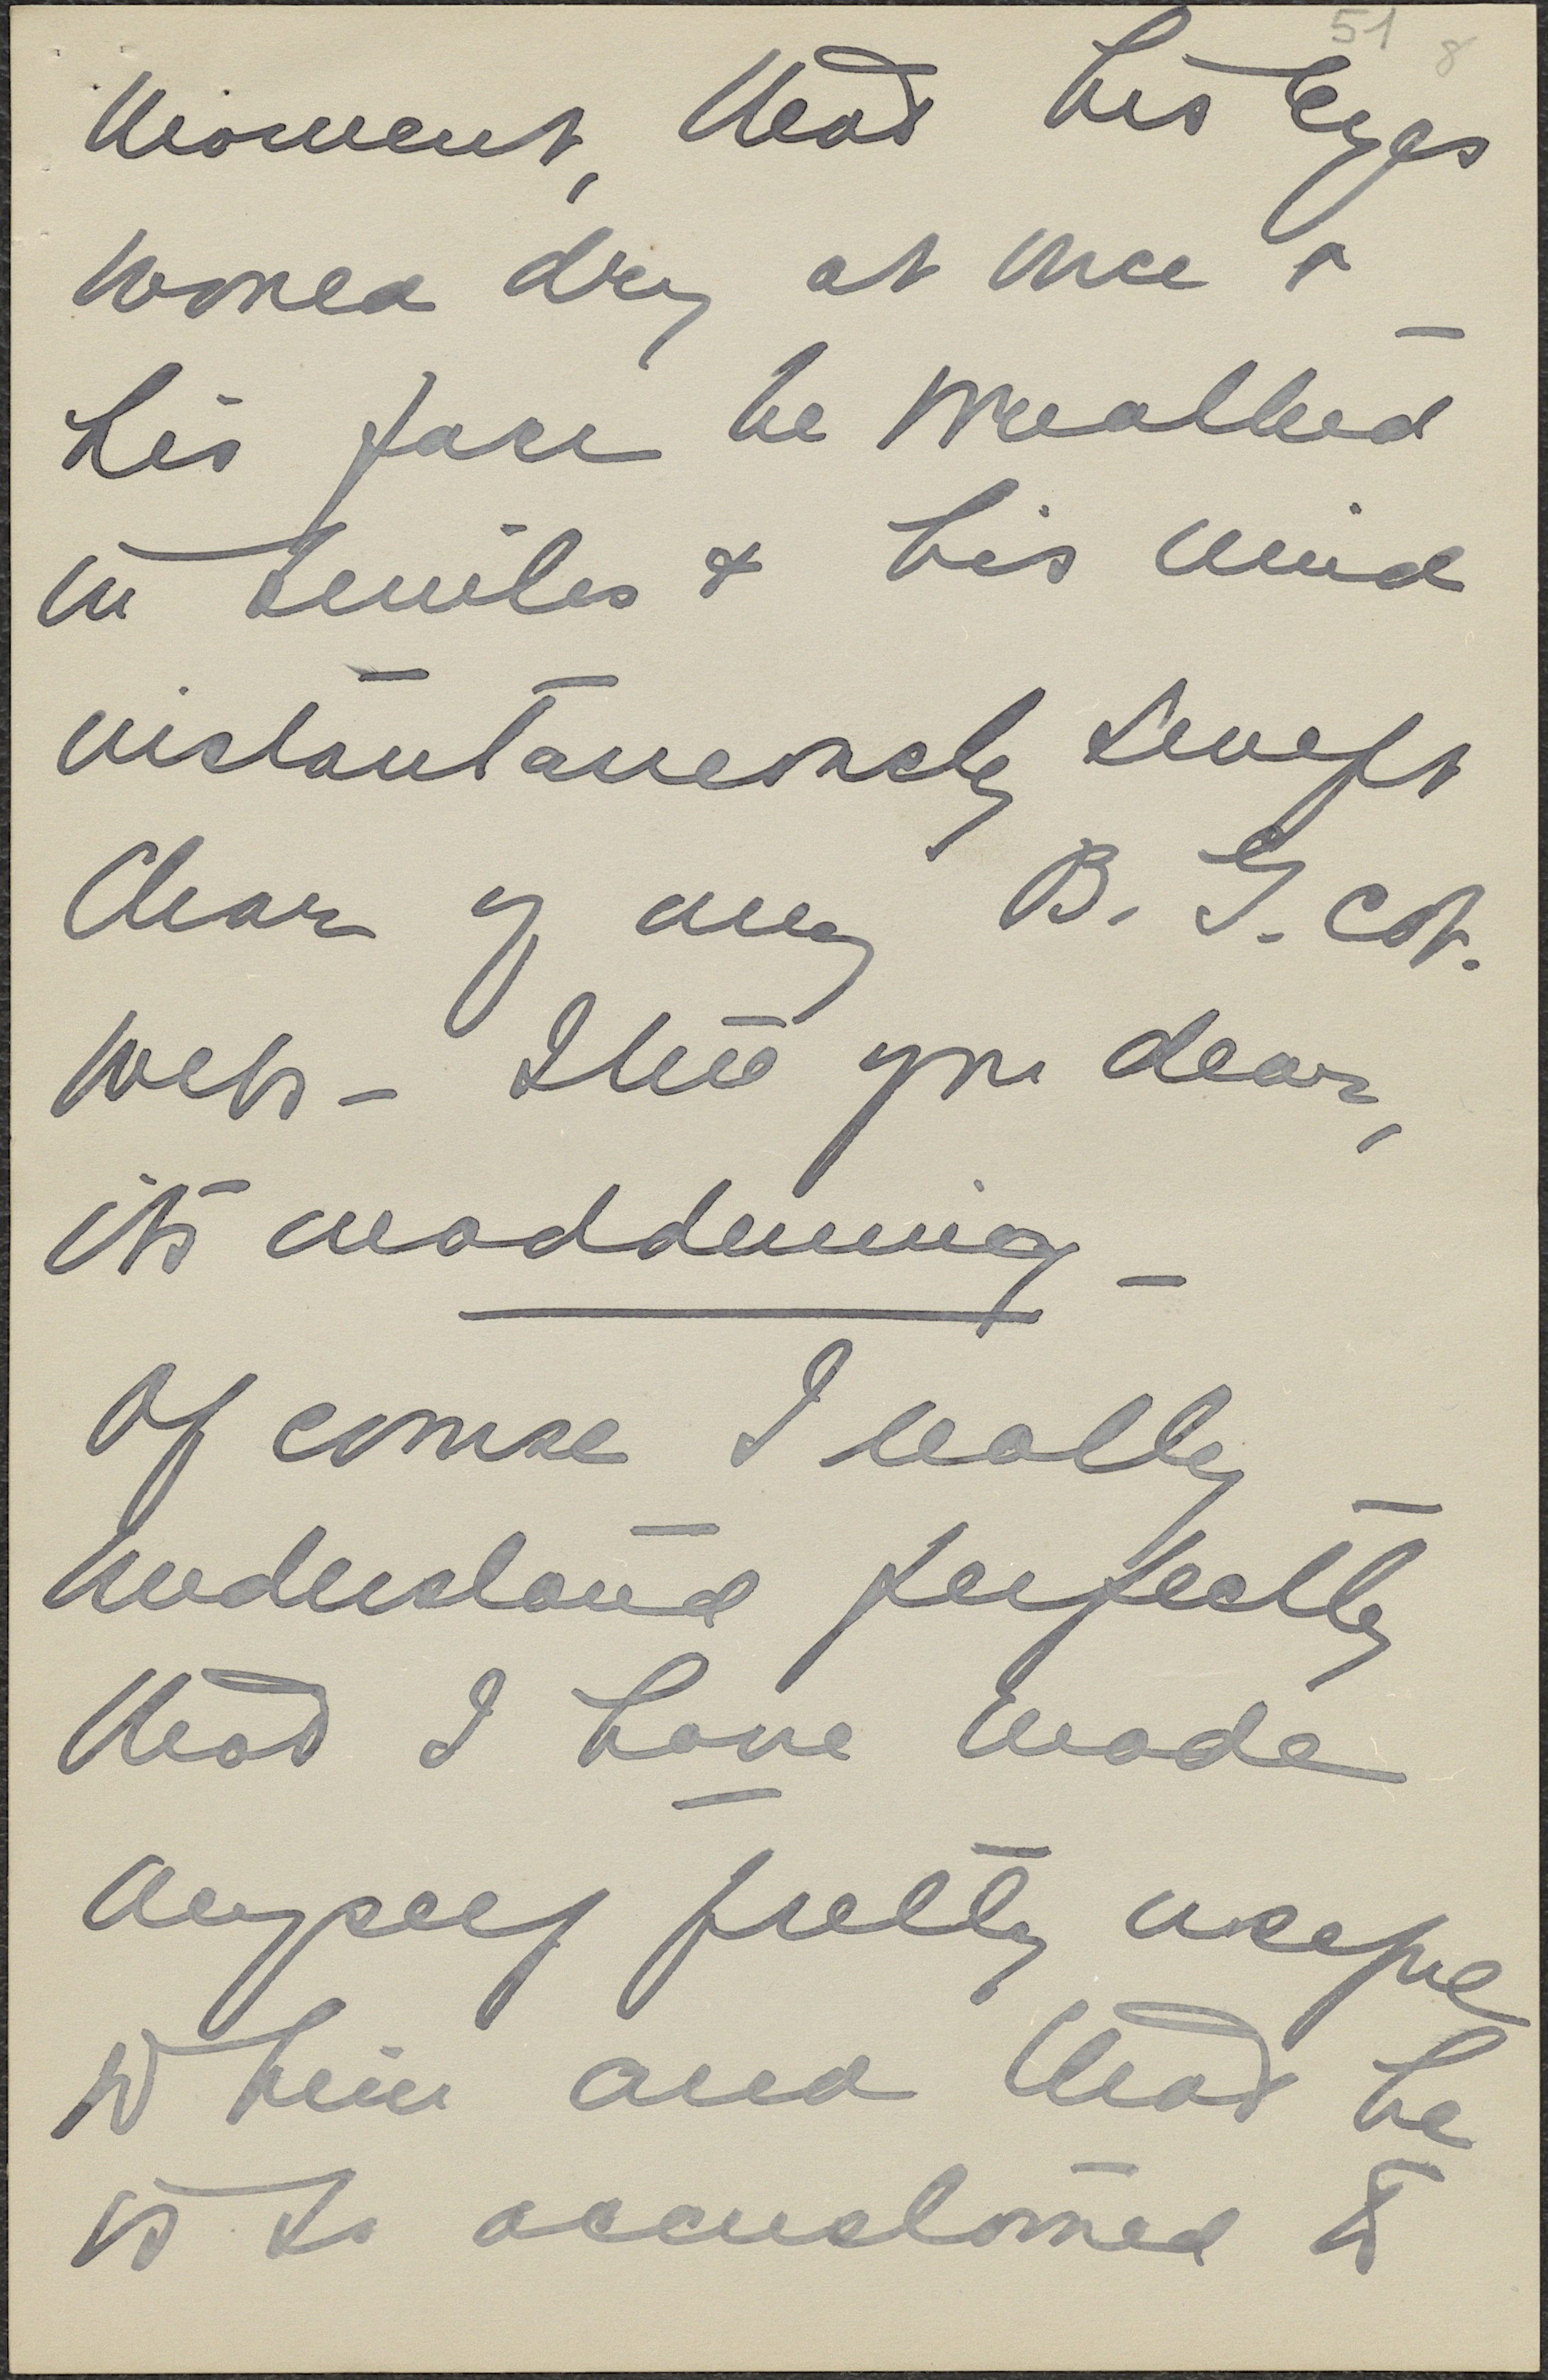moment, that his eyes would dry at once & his face be wreathed in smiles & his mind instantaneously swept clear of any B. G. cobwebs – I tell you dear, its maddening –
Of course I really understand perfectly that I have made myself pretty useful to him and that he is so accustomed to